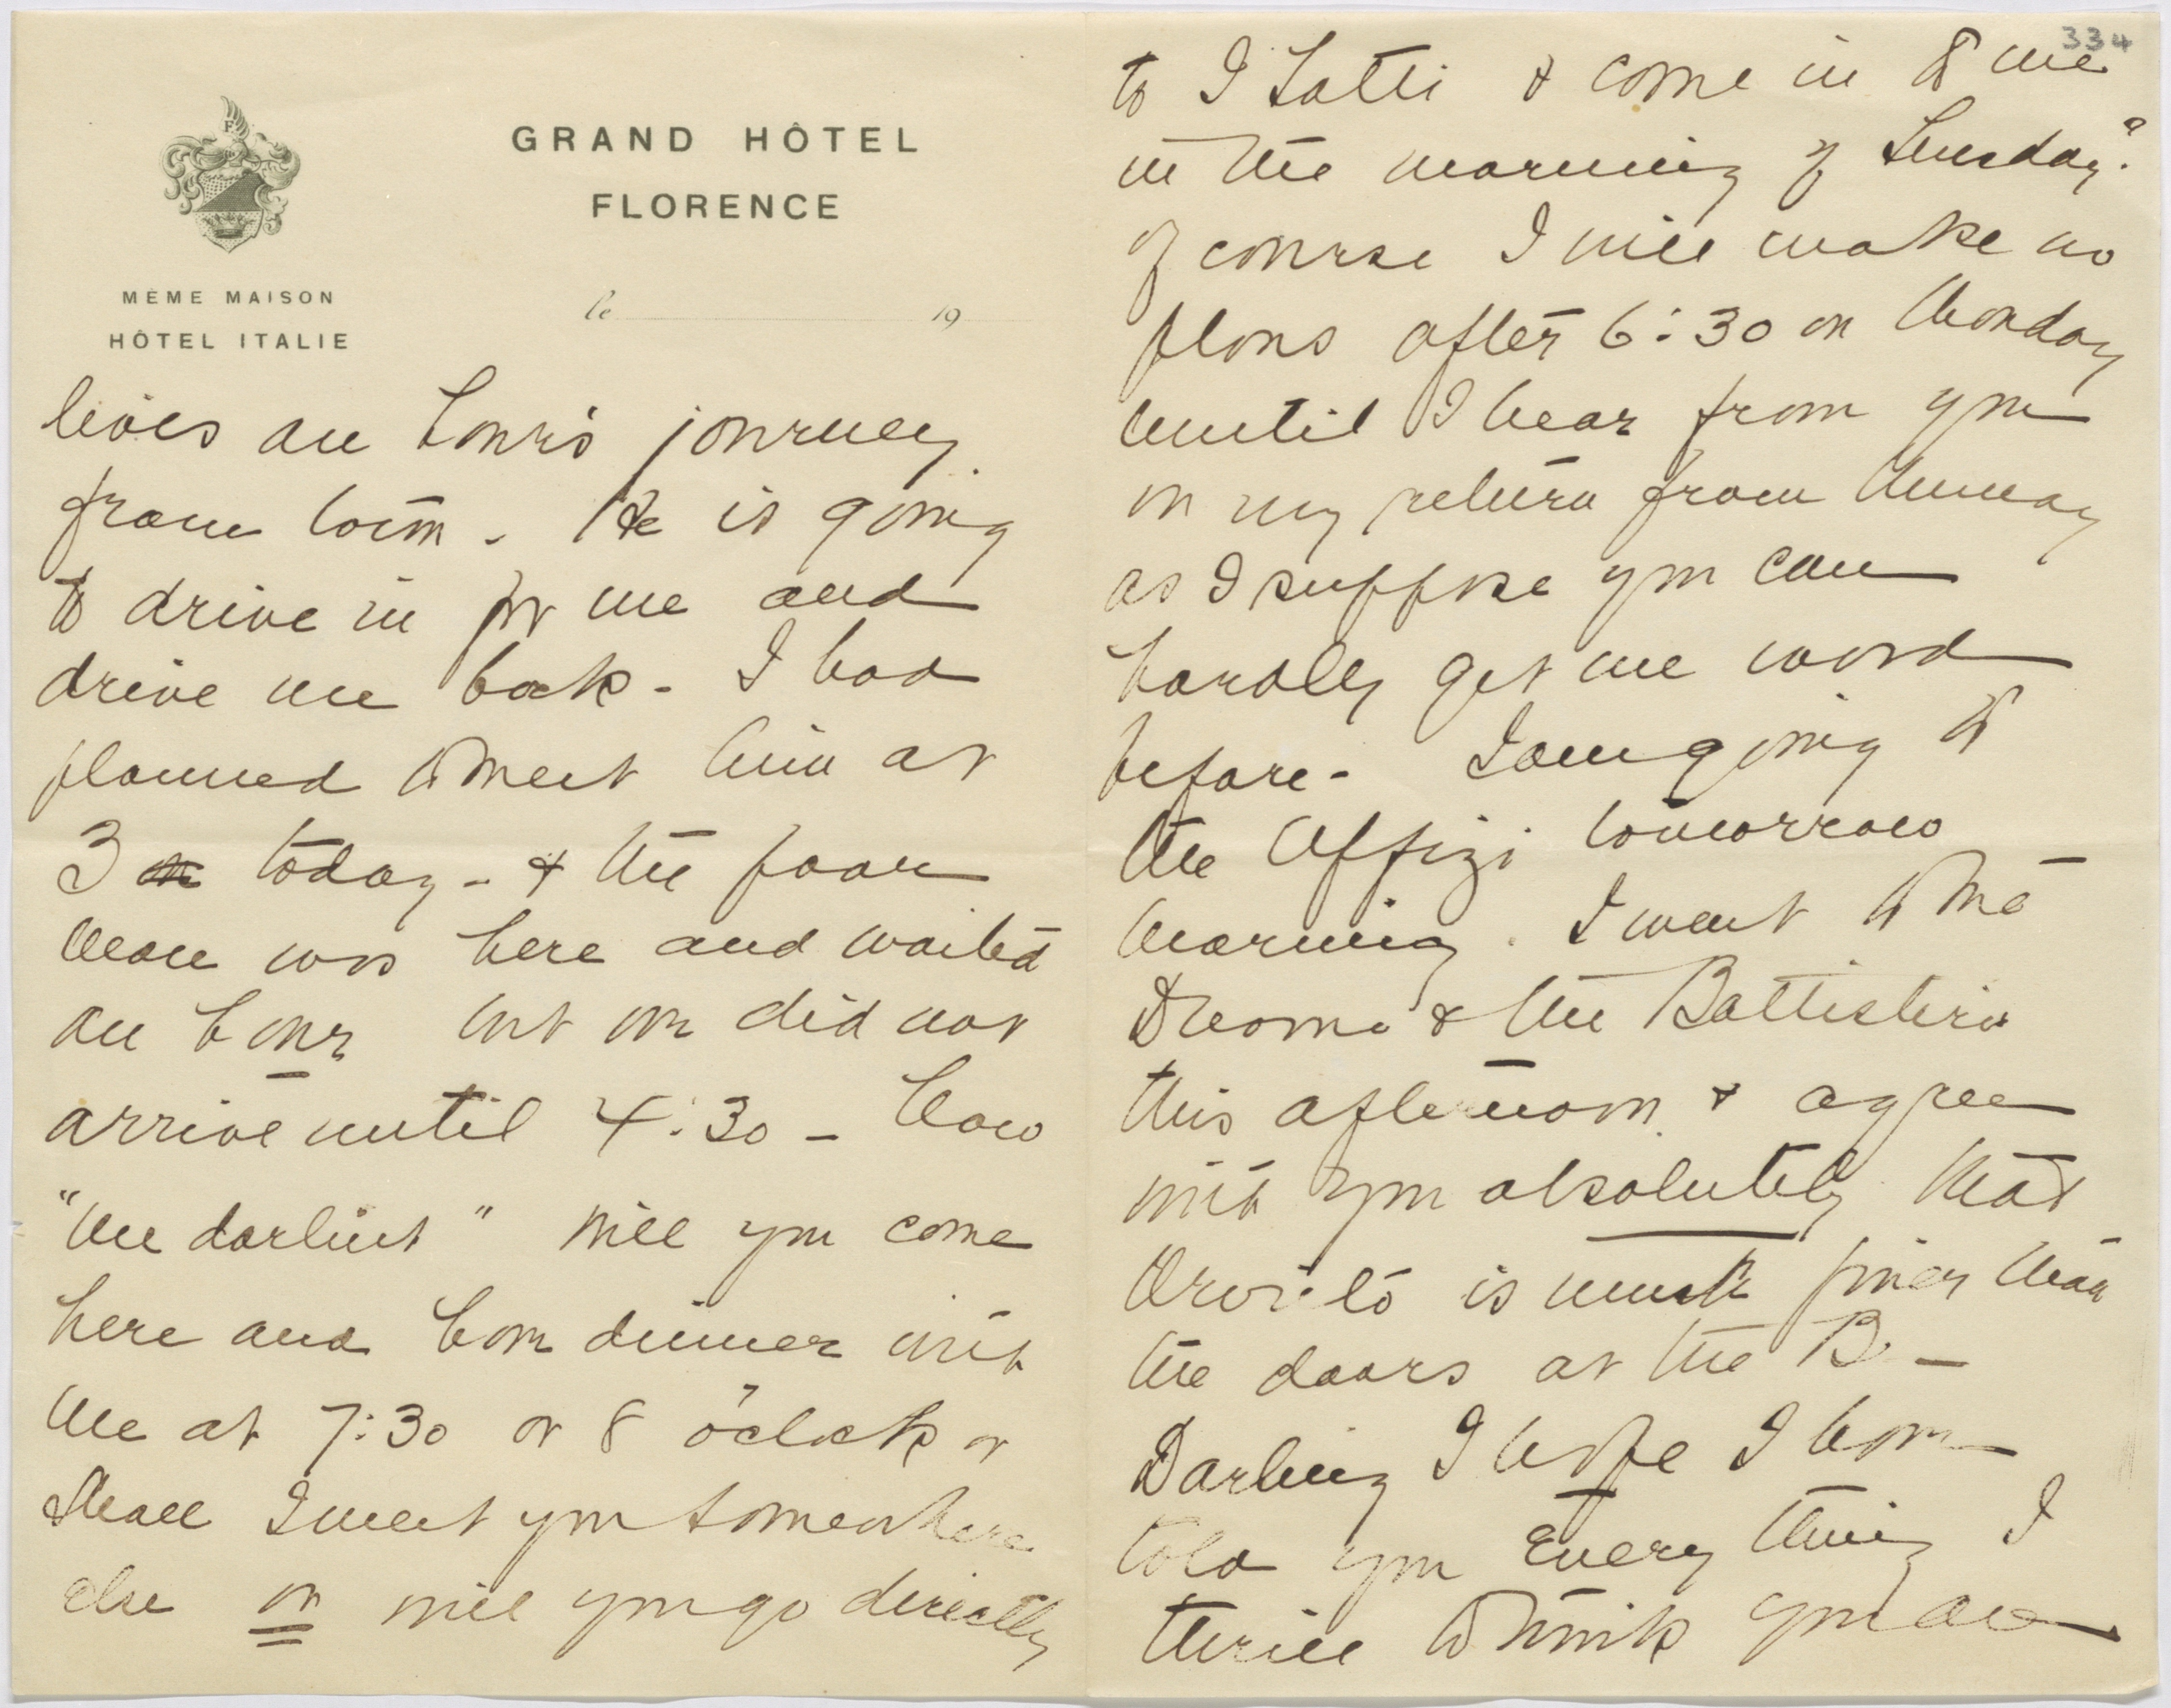lives an hour’s journey from town – He is going to drive in for me and drive me back – I had planned to meet him at 3 on today – & the poor man was here and waited an hour but we did not arrive until 4:30 – Now “me darliest” will you come here and have dinner with me at 7:30 or 8 o’clock or shall I meet you somewhere else [double underlined: or] will you go directly
to I Tatti & come in to me in the morning of Sunday? of course I will make no plans after 6:30 on Monday until I hear from you on my return from Murray as I suppose you can hardly get me word before – I am going to the Uffizi tomorrow morning. I went to the Duomo & the Battistero this afternoon & agree with you absolutely that Orvieto is much finer than the doors at the B – Darling I hope I have told you every thing I thrill to think you are